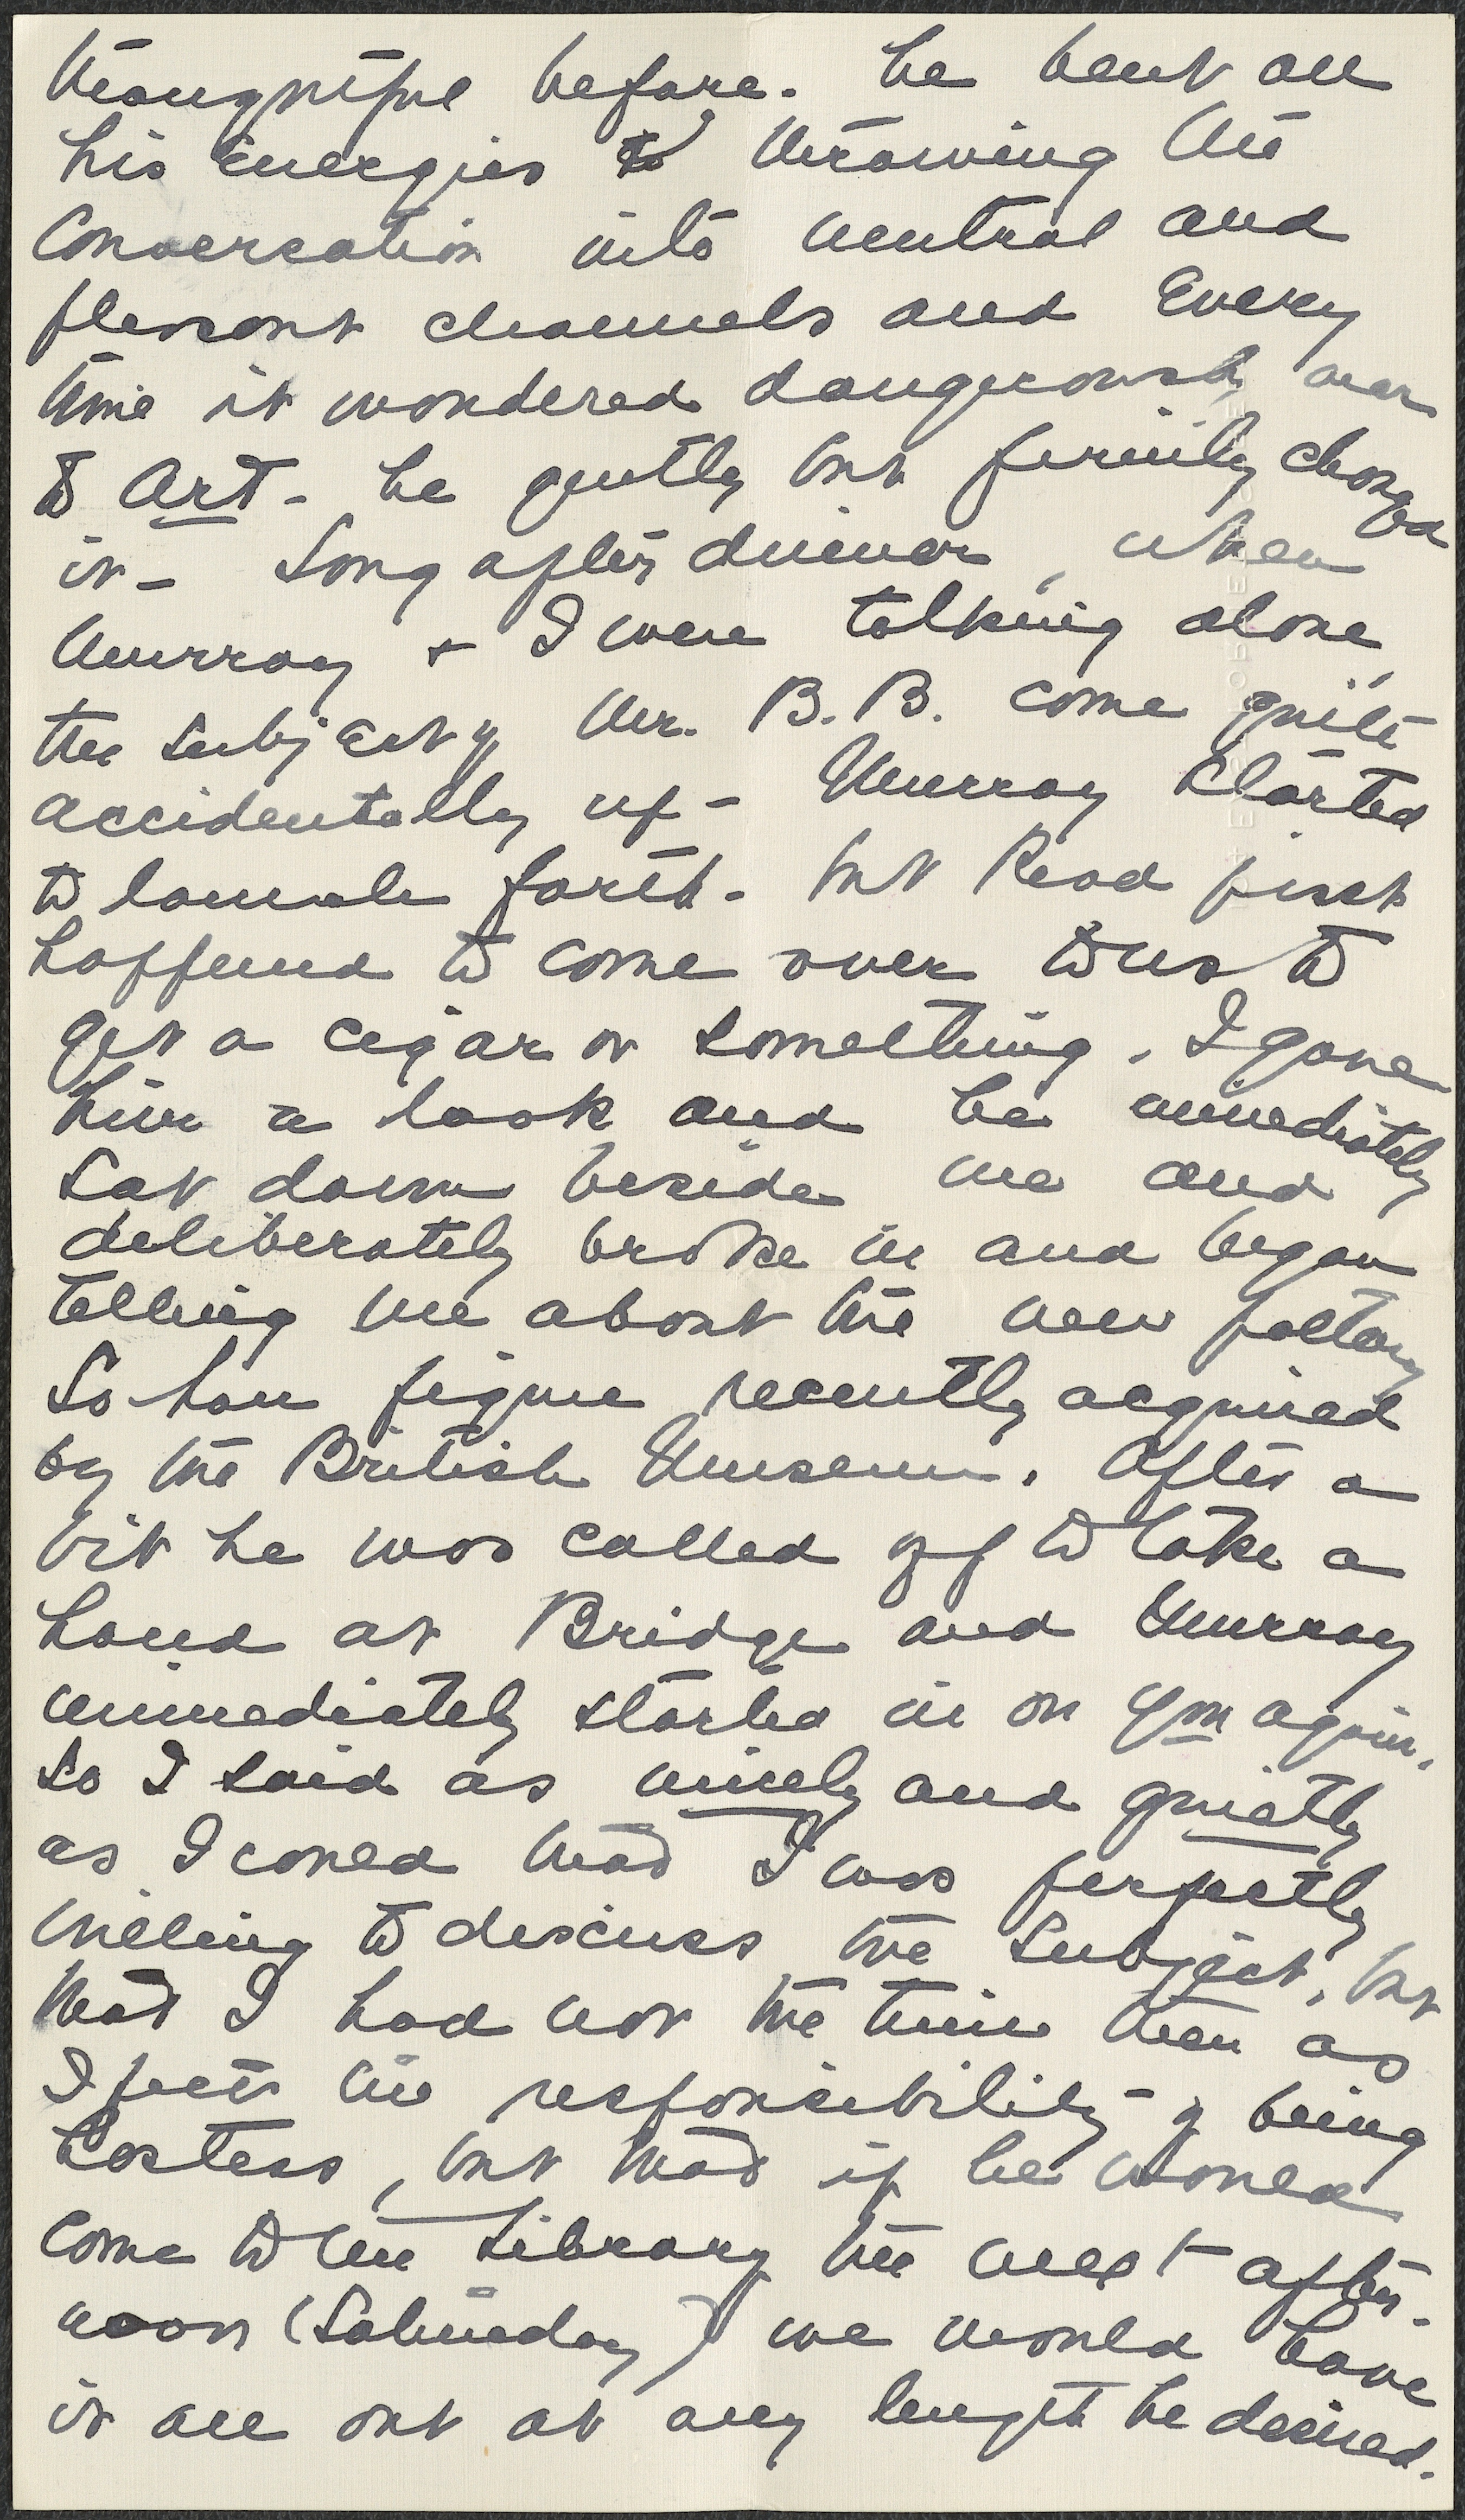thoughtful before – he bent all his energies to throwing the conversation into neutral and pleasant channels and every time it wandered dangerously over to Art – he quietly but firmly changed it – Long after dinner, when Murray & I were talking alone, the subject of Mr. B.B. came quite accidentally up – Murray started to launch forth – but Read first happened to come over to us to get a cigar or something. I gave him a look and he immediately sat down beside me and deliberately broke in and began telling me about the new pottery Lo Han figure recently acquired by the British Museum. After a bit he was called off to take a hand at Bridge and Murray immediately started in on you again, so I said as nicely and quietly as I could that I was perfectly willing to discuss the subject, but that I had not the time then as I felt the responsibility of being hostess, but that if he would come to the Library the next afternoon (Saturday) we would have it all out at any length he desired.